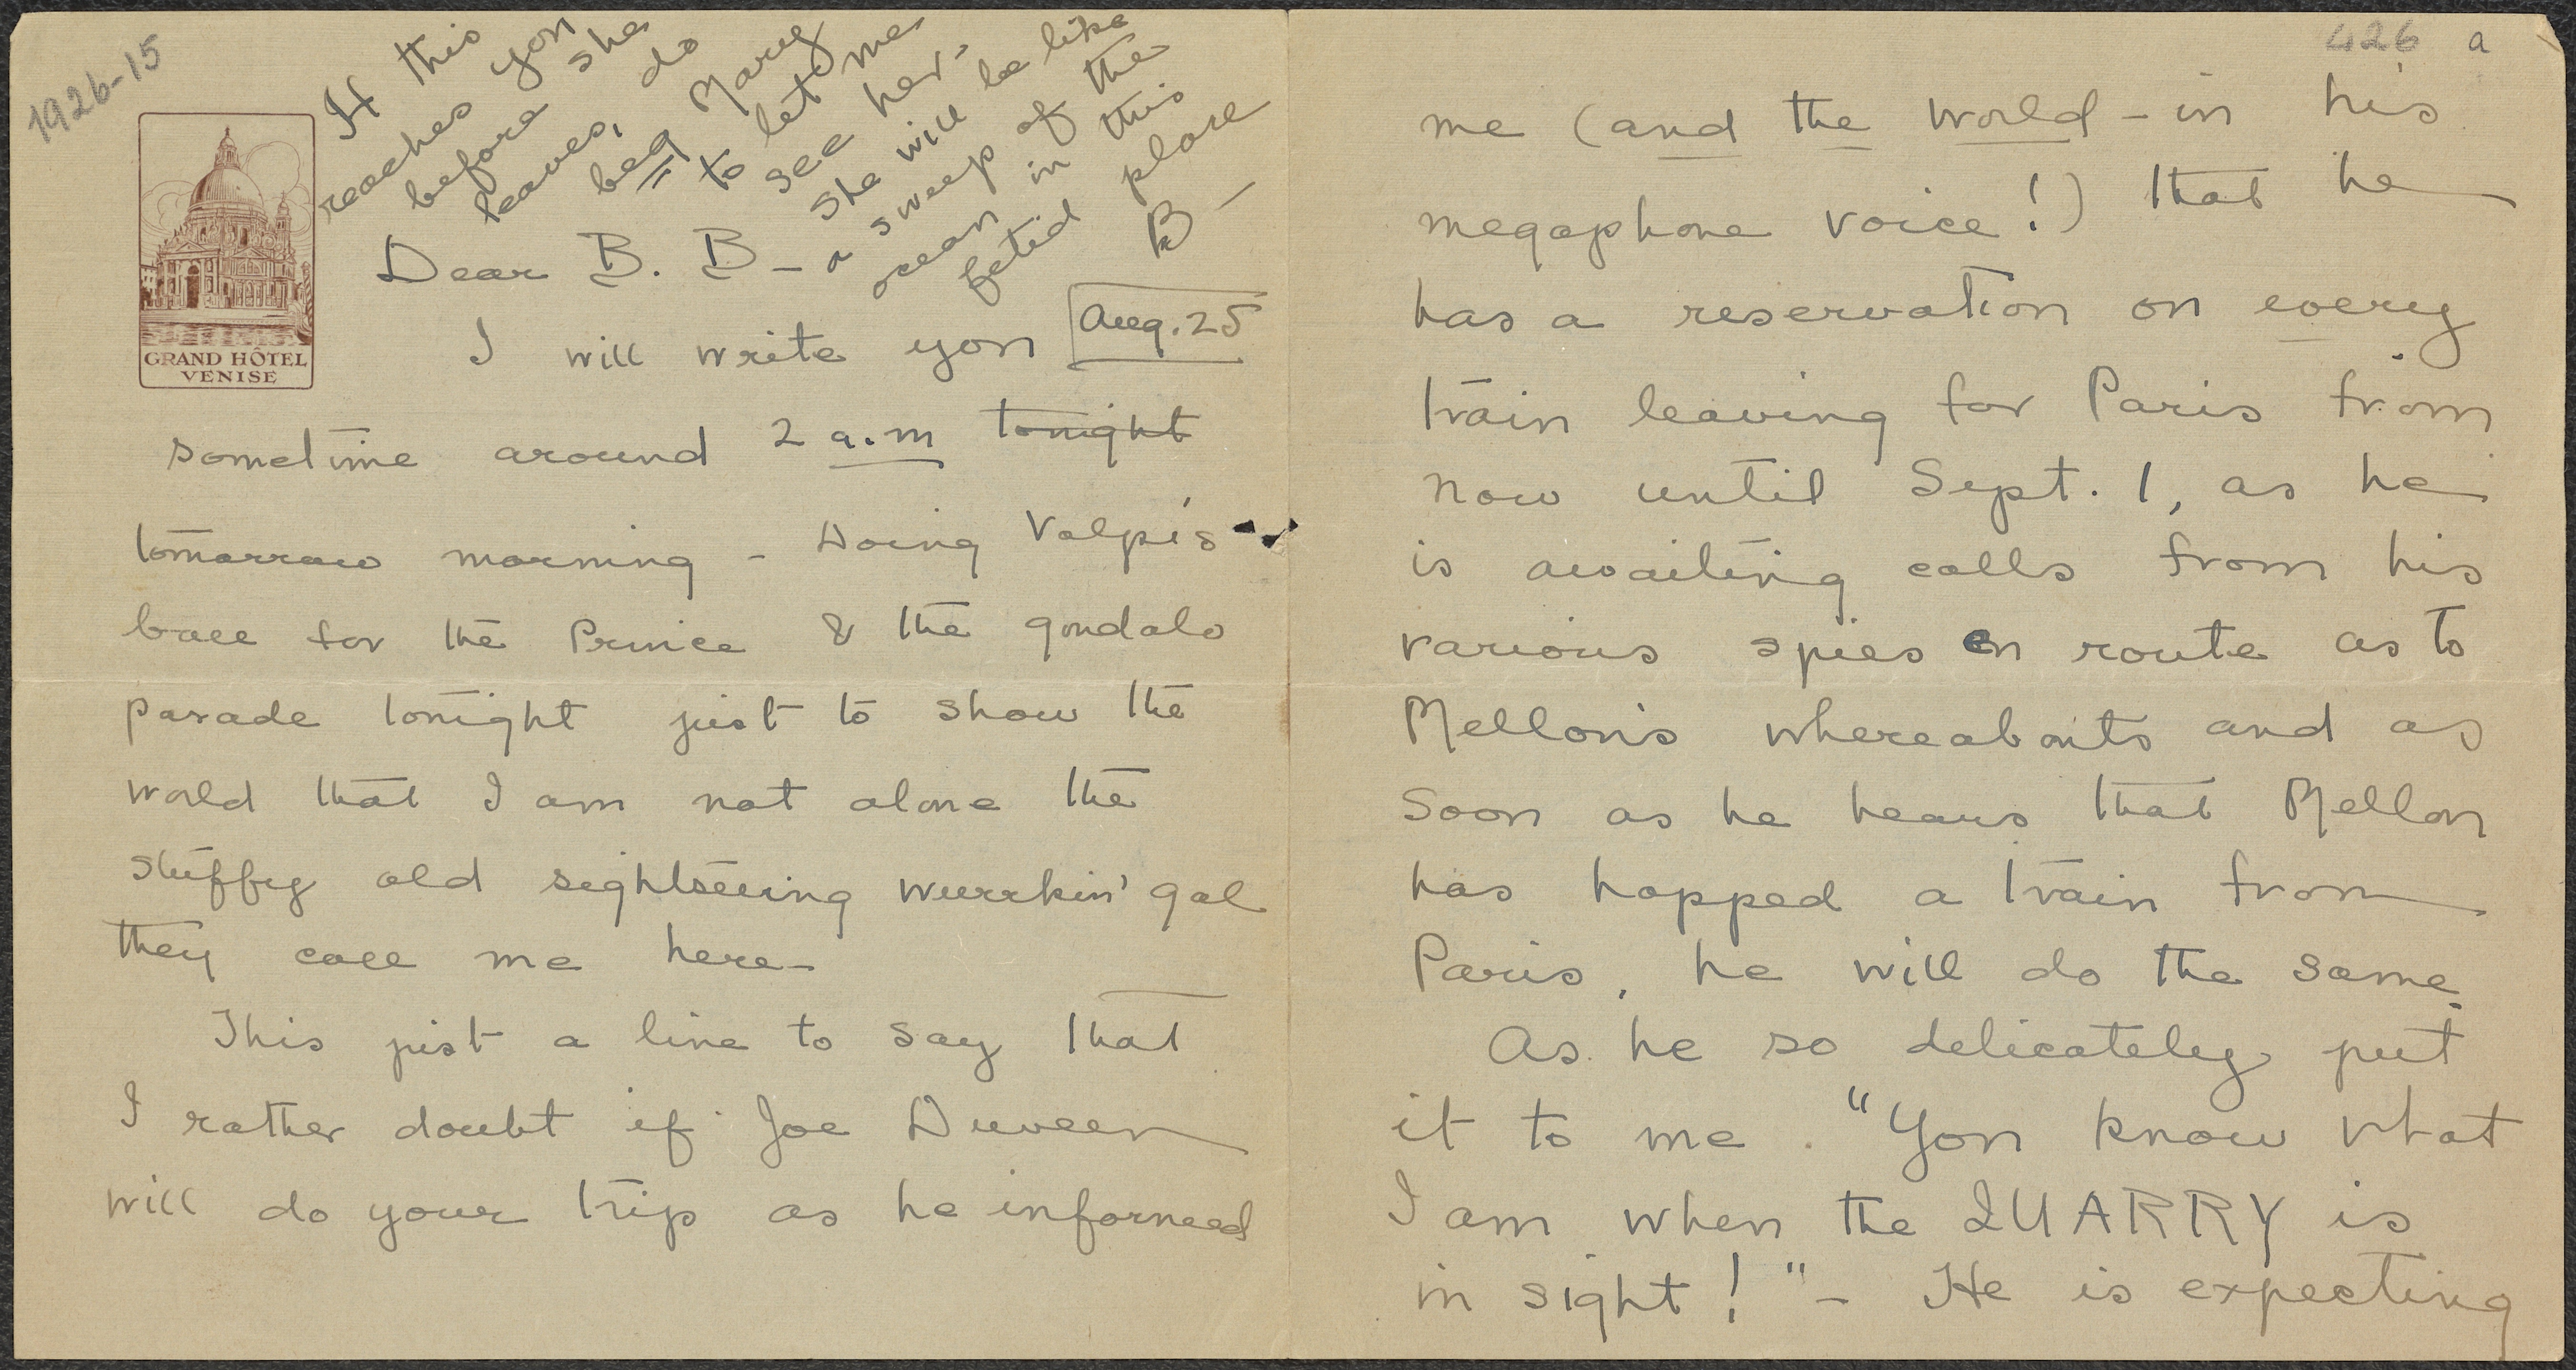[In the upper margin: If this reaches you before she leaves, do [double underlined: beg] Mary to let me see her – She will be like a sweep of the ocean in this fetid place
B –]
[on the right margin: Aug. 25]
Dear B.B –
I will write you sometime around 2 a.m tonight tomorrow morning – Doing Volpi’s ball for the Prince & the gondalo [sic] parade tonight just to show the world that I am not alone the stuffy old sightseeing wurrkin’ gal they call me here –
This just a line to say that I rather doubt if Joe Duveen will do your trip as he informed
me (and the world – in his megaphone voice!) that he has a reservation on every train leaving for Paris from now until Sept. 1, as he is awaiting calls from his various spies en route as to Mellon’s whereabouts and as soon as he hears that Mellon has hopped a train from Paris, he will do the same.
As he so delicately put it to me “You know what I am when the QUARRY is in sight!” – He is expecting